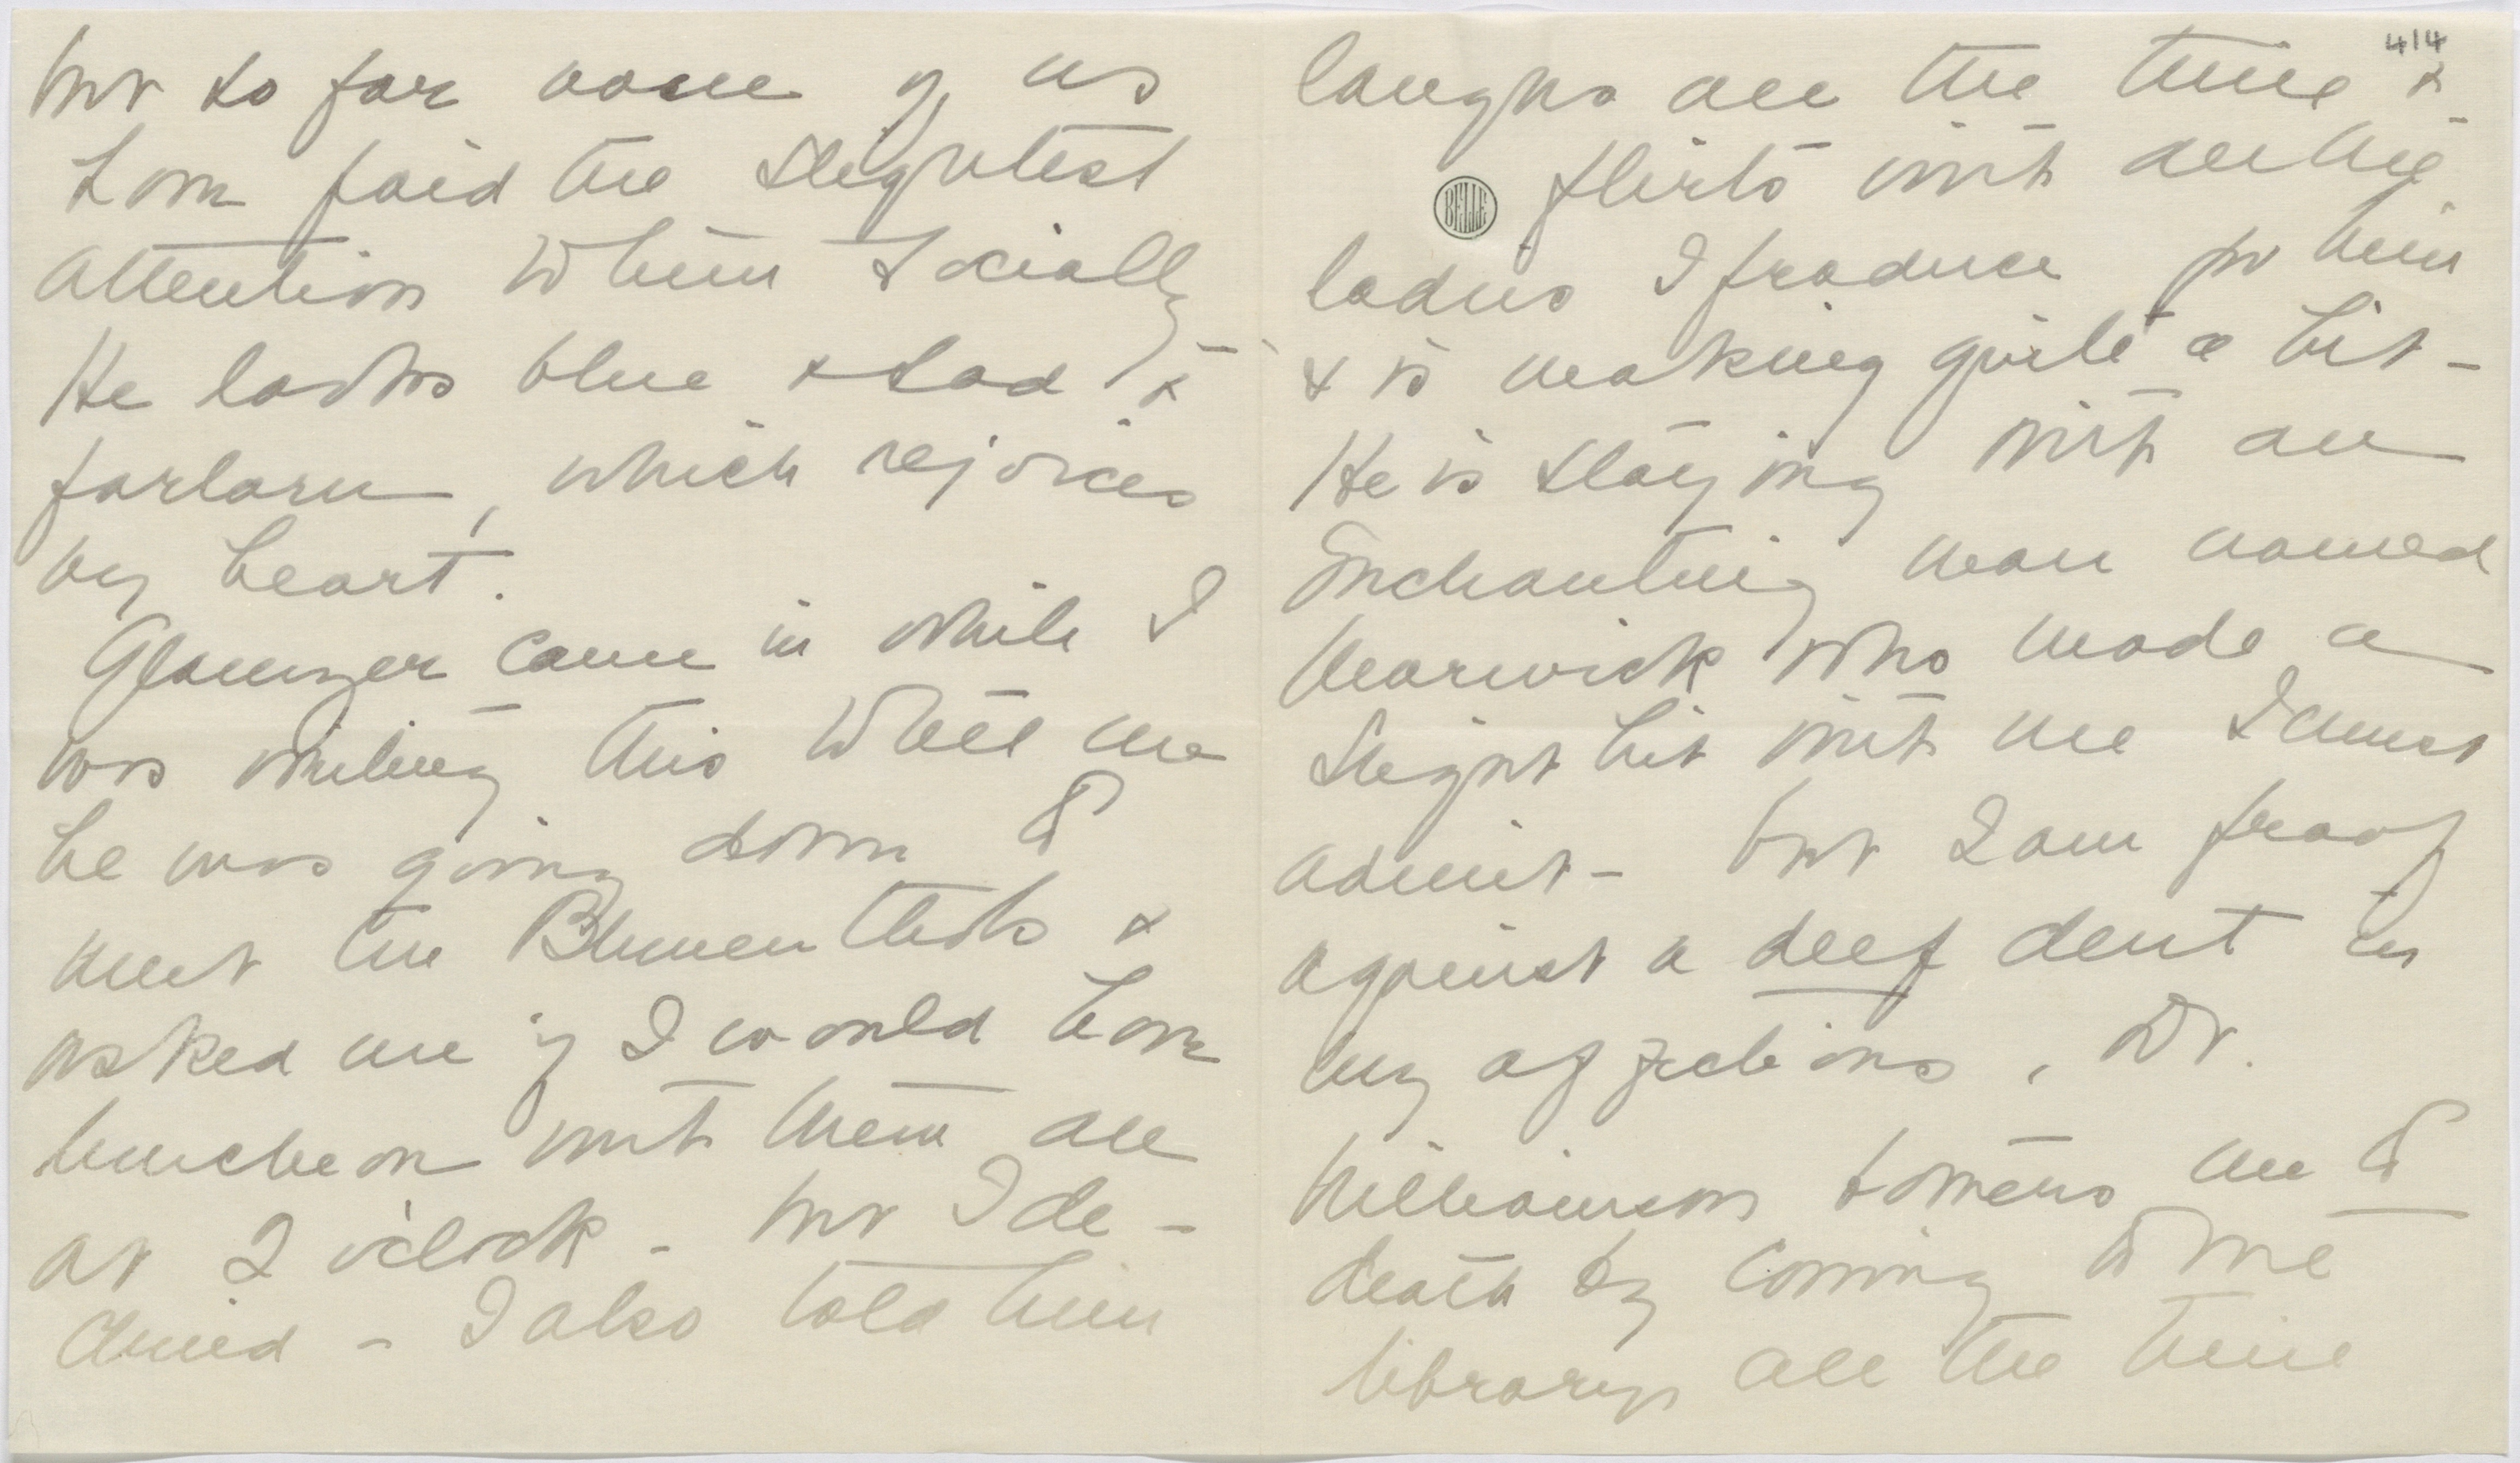laughs all the time & flirts with all the ladies I produce for him & is making quite a bit – He is staying with an enchanting man named Warwick who made a slight hit with me I must admit – but I am proof against a deep dent in my affections, Dr. Williamson bothers me to death by coming to the library all the time
but so far none of us have paid the slightest attention to him socially – He looks blue & sad & forlorn, which rejoices my heart.
Glaenzer came in while I was writing this to tell me he was going down to meet the Blumenthals & asked me if I would have luncheon with them all at 2 o’clock – but I declined – I also told him